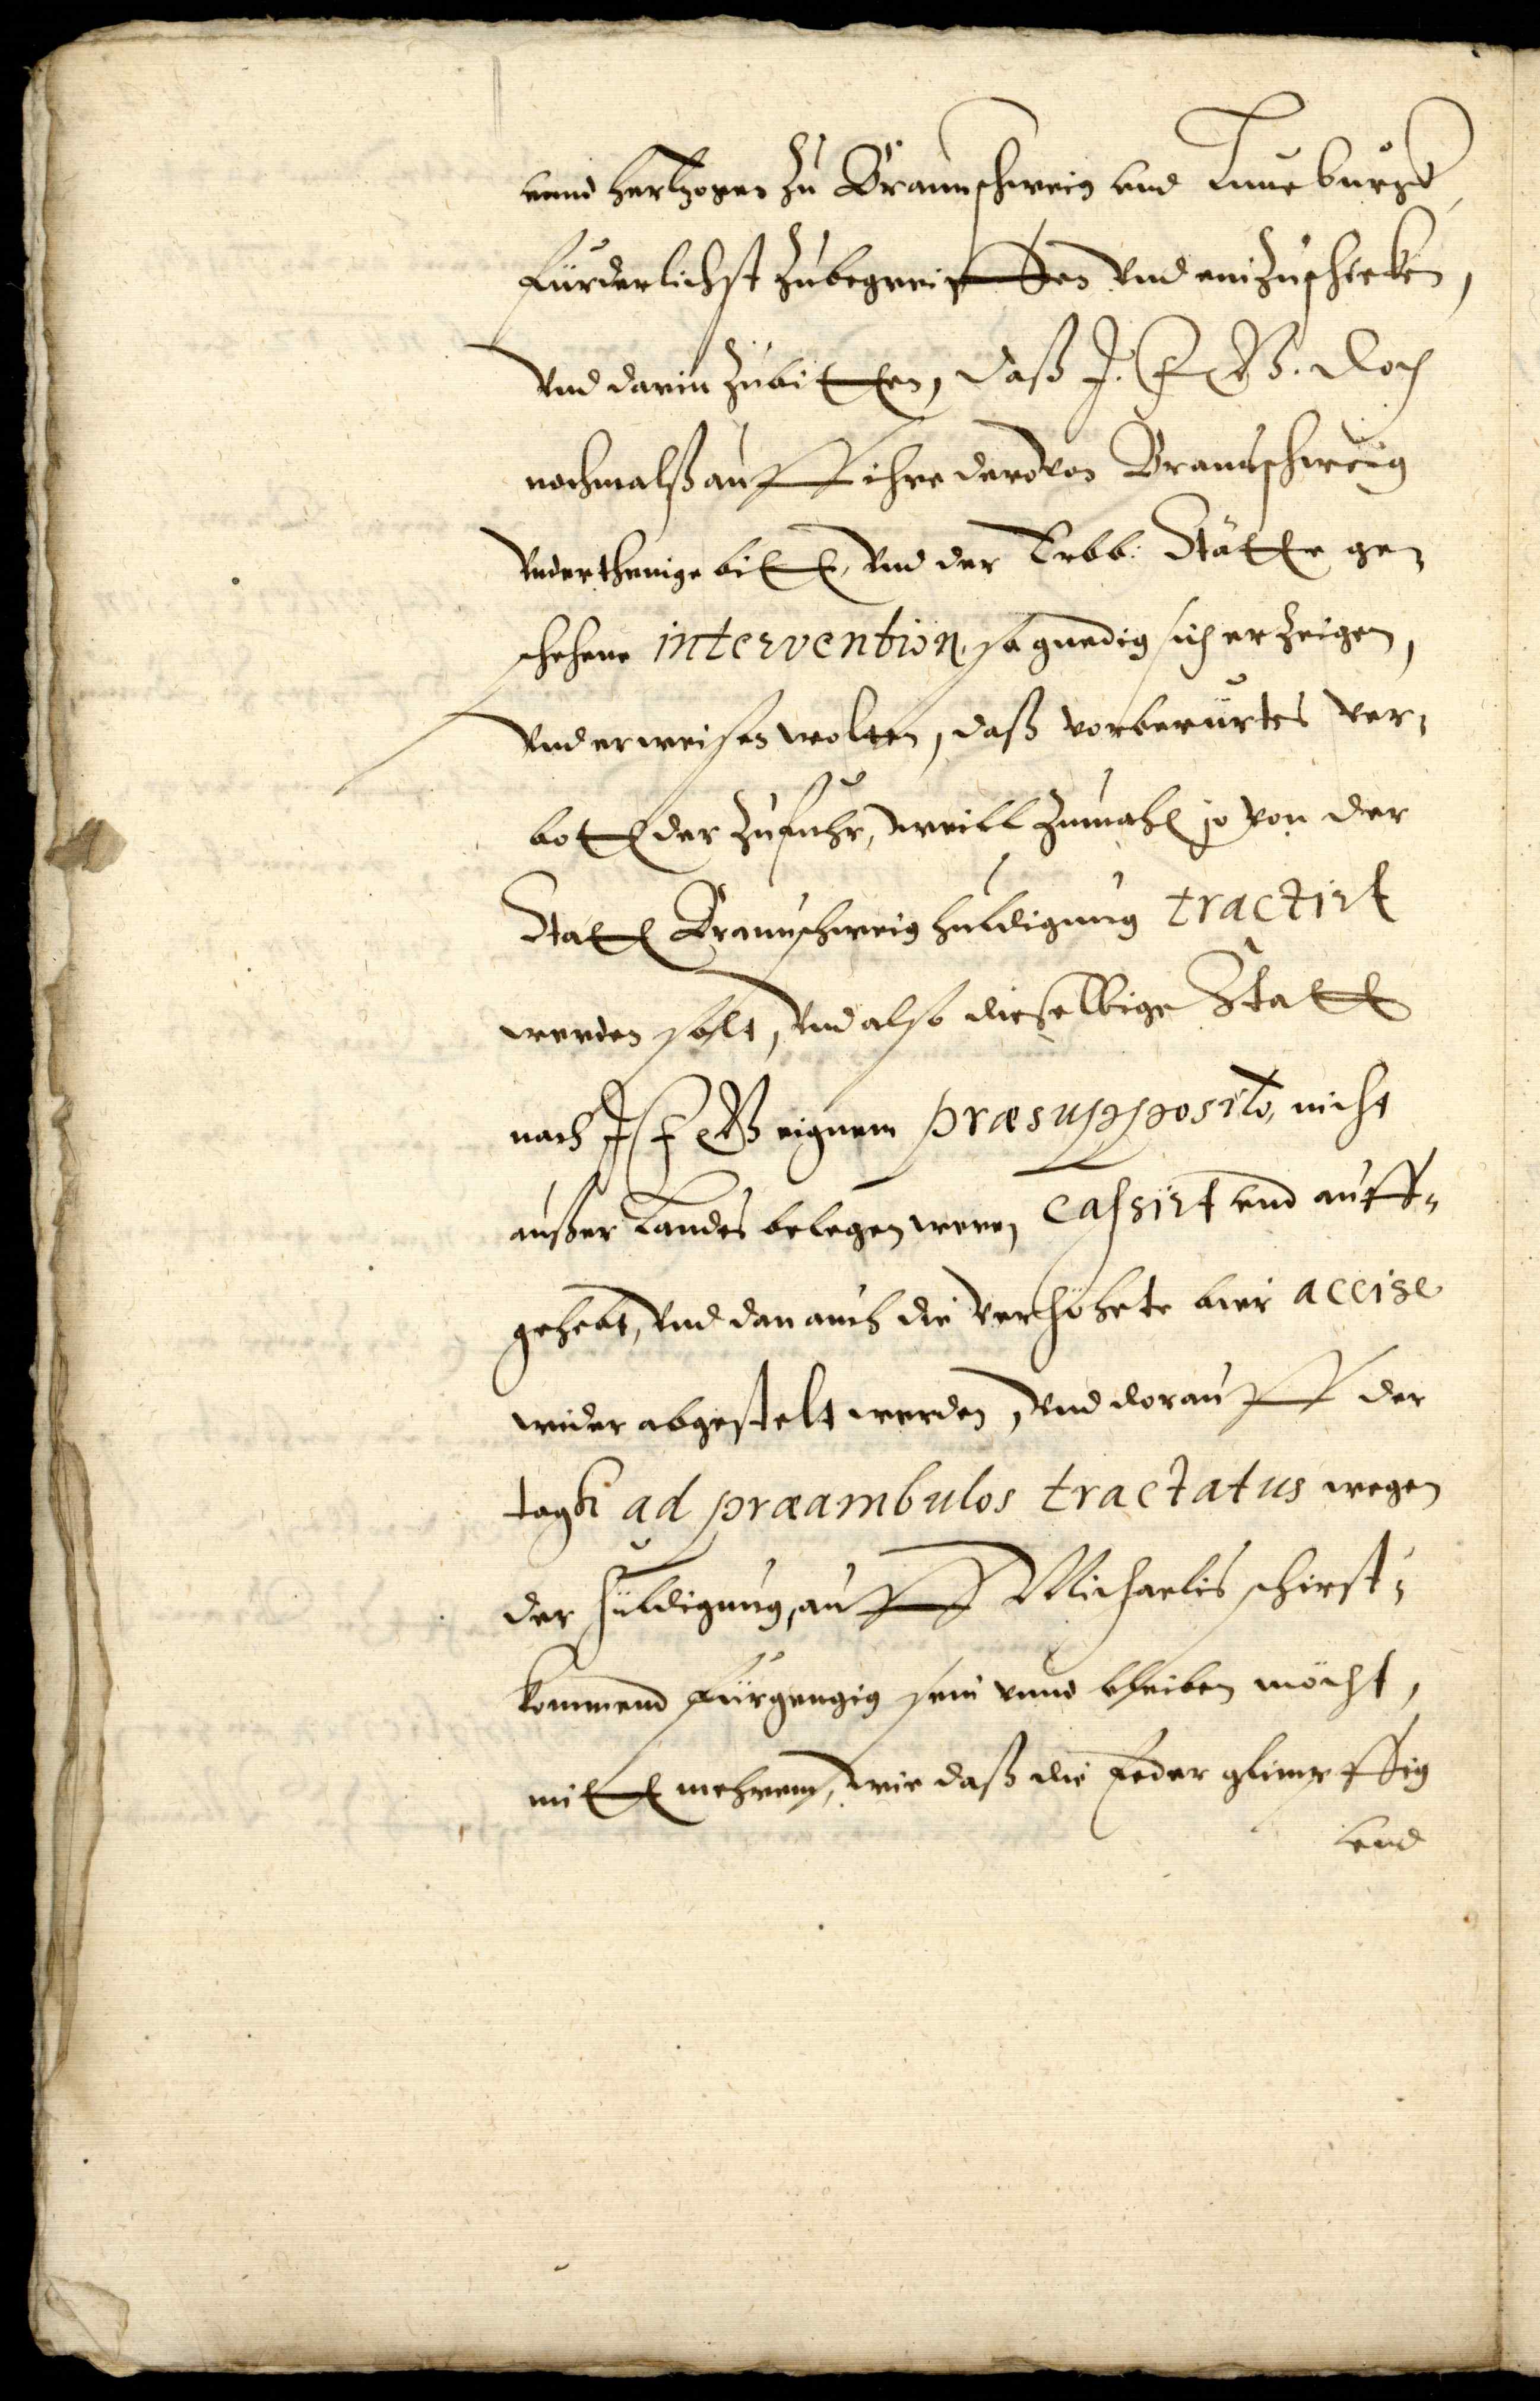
vnnd hertzogen zu Braunschweig vnd Luneburgk
fürderlichst zubegreiffen vnd einzuschreken,
vnd darin zu bitten, daß I. F. G. doch
nochmalß auff ihre dero von Braunschweig
vnderthenige bitt, vnd der Erbb. Stätte ge¬
schehene intervention, so gnedig sich erzeigen,
vnd erweißen wolten, daß vorberürtes ver¬
bott der zufuhr, weill zumahl ja von der
Statt Braunschweig huldigung tractirt
werden solt, vnd also dieselbige Statt
nach I. F. G. eignem praesupposito nicht
außer Landes belegen weren, cassirt vnd auff¬
gehebt, vnd dan auch die verhöhete bier accise
wider abgestelt werden, vnd dorauff der
tagk ad praeambulos tractatus wegen
der hüldigung, auff Michaelis schirst¬
kommend fürgengig sein vnnd bleiben möcht,
mitt mehrem, wie daß die feder glimpffig
vnd
